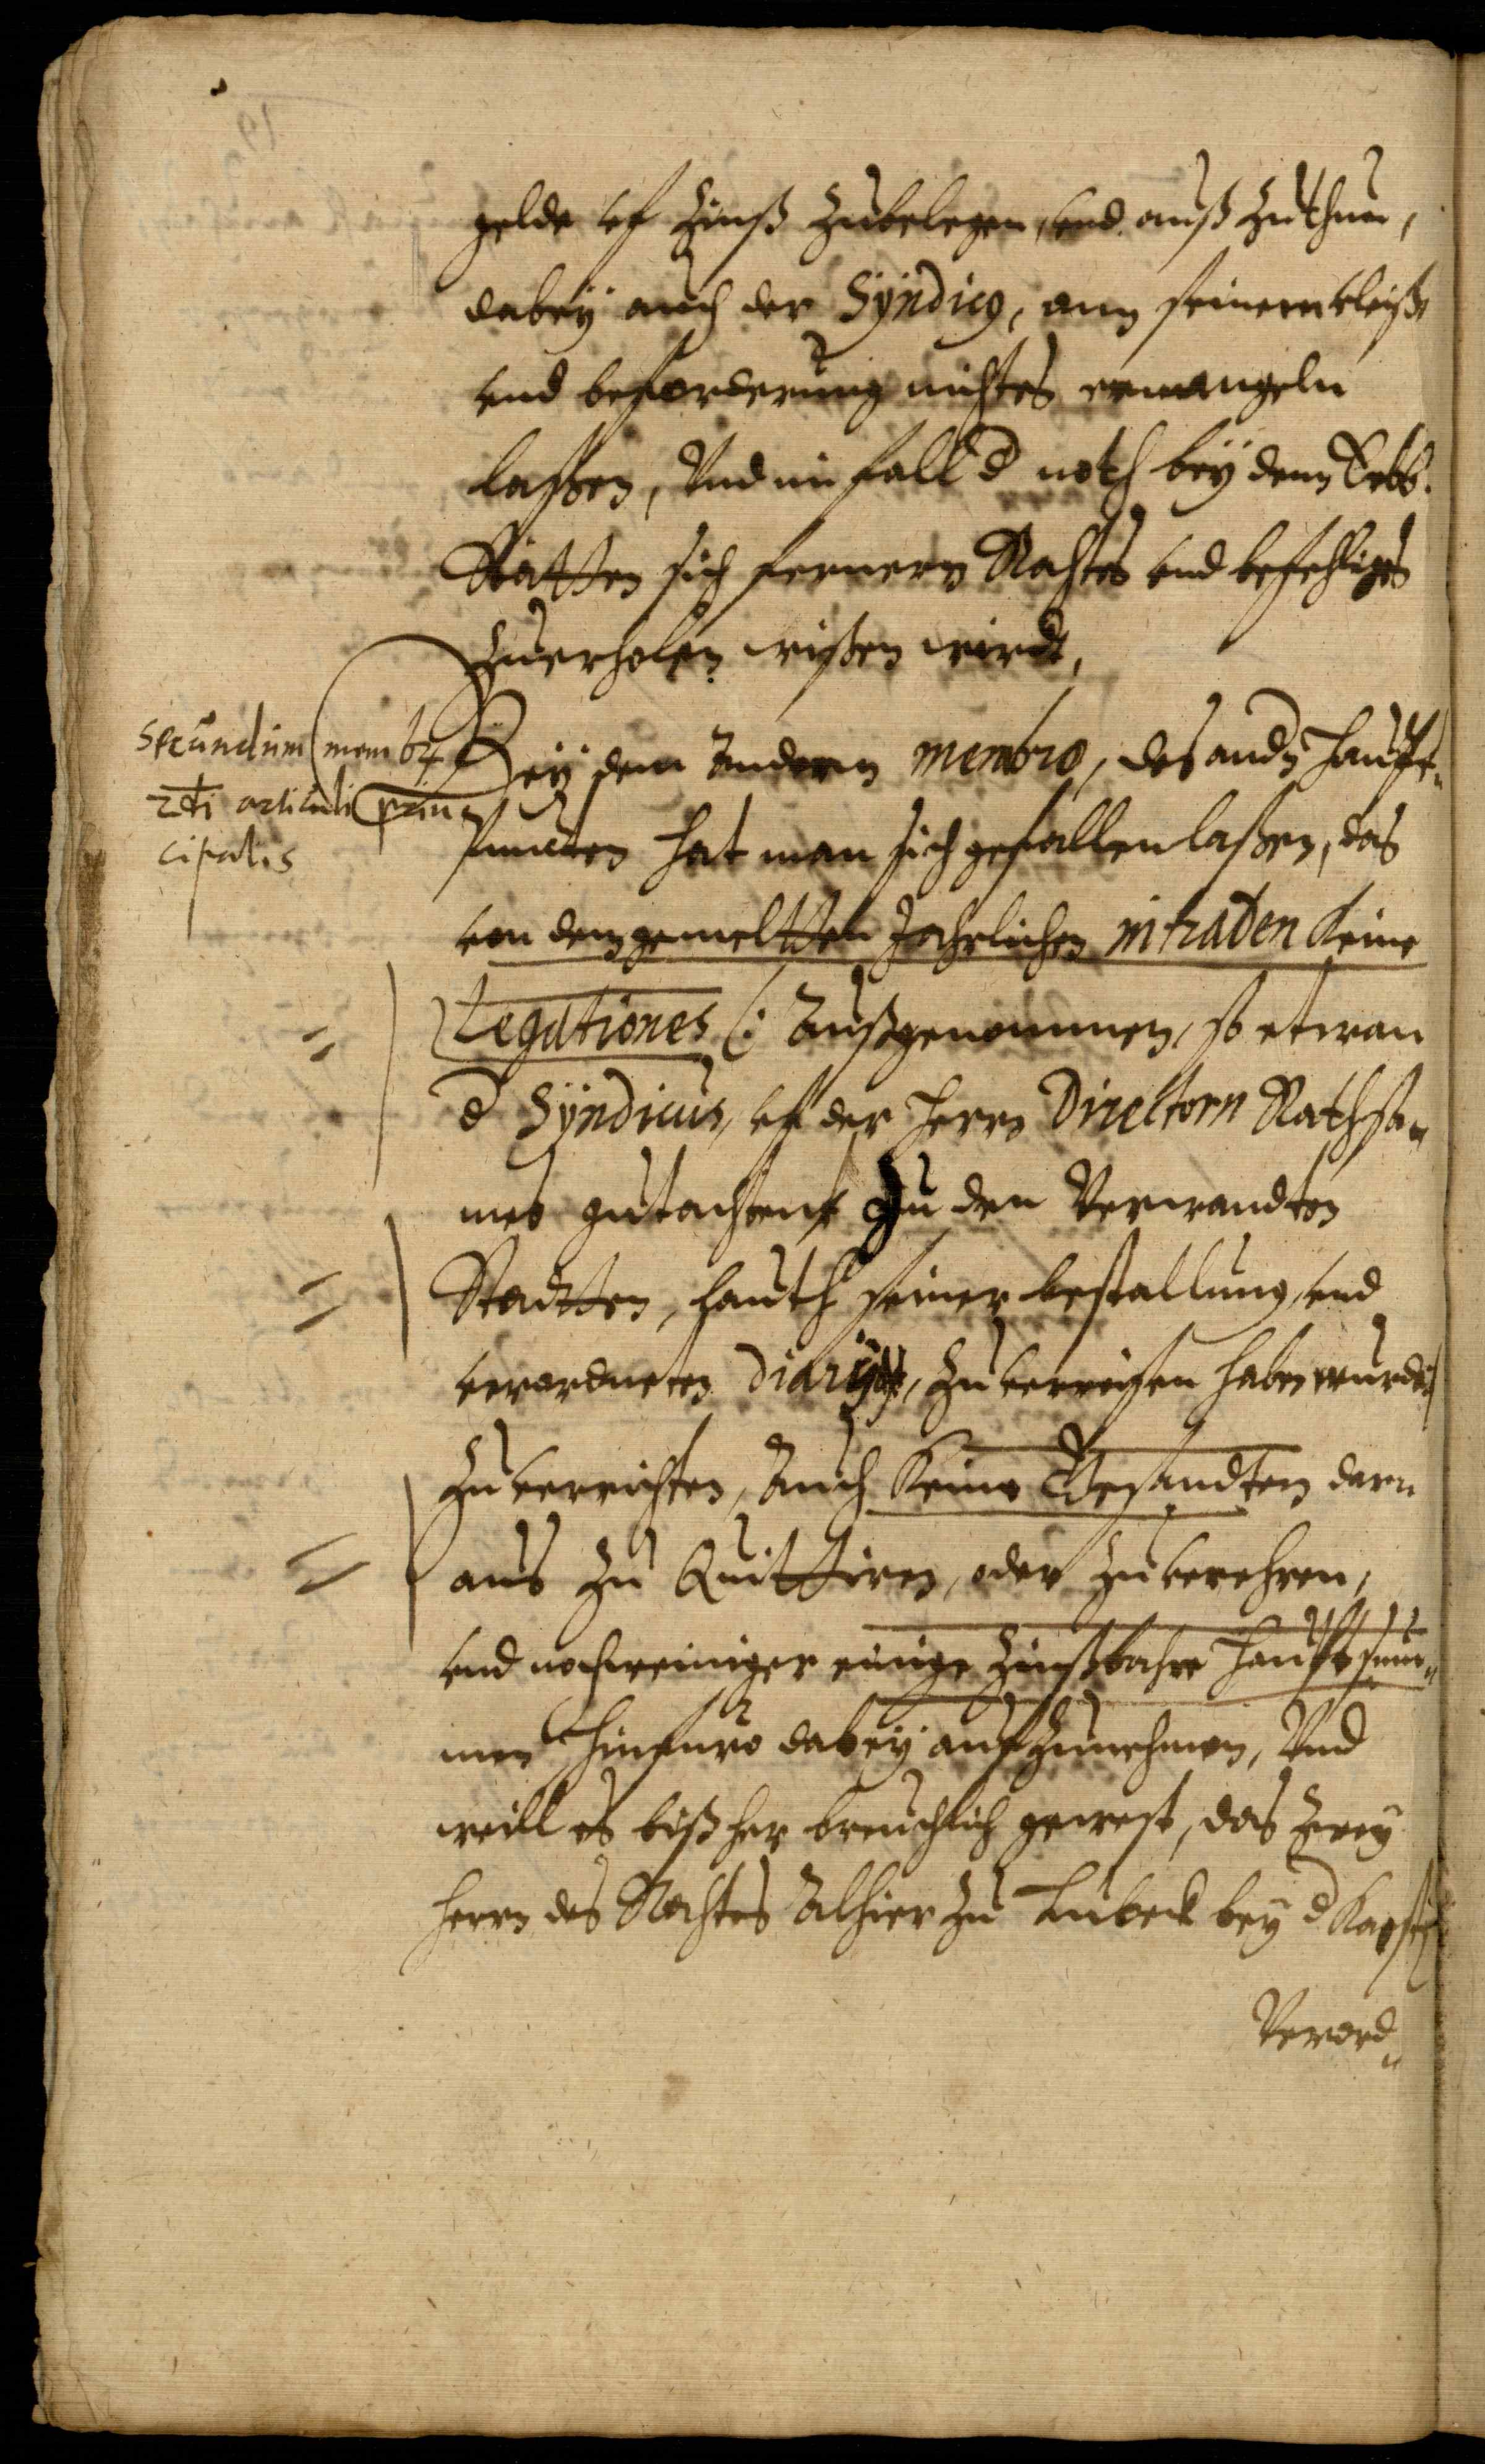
gelde vf zinß zubelegen, vnd auß zu thun,
dabeij auch der Sijndicus, ann seinem vleiß,
vnd beforderung nichtes ermangeln
laßen, vnd im fall der noth beij denn Erbb.
Stätten sich fernern Rahtes vnd befehliges
zuerholen wißen wird,
Beij dem andern membro, des andern Haupt¬
puncte, hat man sich gefallen laßen, das
von denn gemeltten Jahrlichen intraden keine
Legationes (: außgenommen, so etwan
der Sijndicus, vf der Herrn Directorn Rathsa¬
mes gutachtens zu den verwandten
Stadtten, lauth seiner bestallung, vnd
verordneten diarii, zu beweisen haben wurde :|
zu verrichten, auch keine Gesandten dar¬
aus zu Quittiren, oder zu verehren,
vnd nochweiniger einige zinßbahre hauptsum¬
men hinfuro dabeij aufzunehmen, vnd
weill es biß her breuchlich gewest, das zweij
herrn des Rahtes Alhier zu Lubeck beij der Kassen
verord¬
secundum mem 64
2di articuli prin
cipalis
=
=
=
